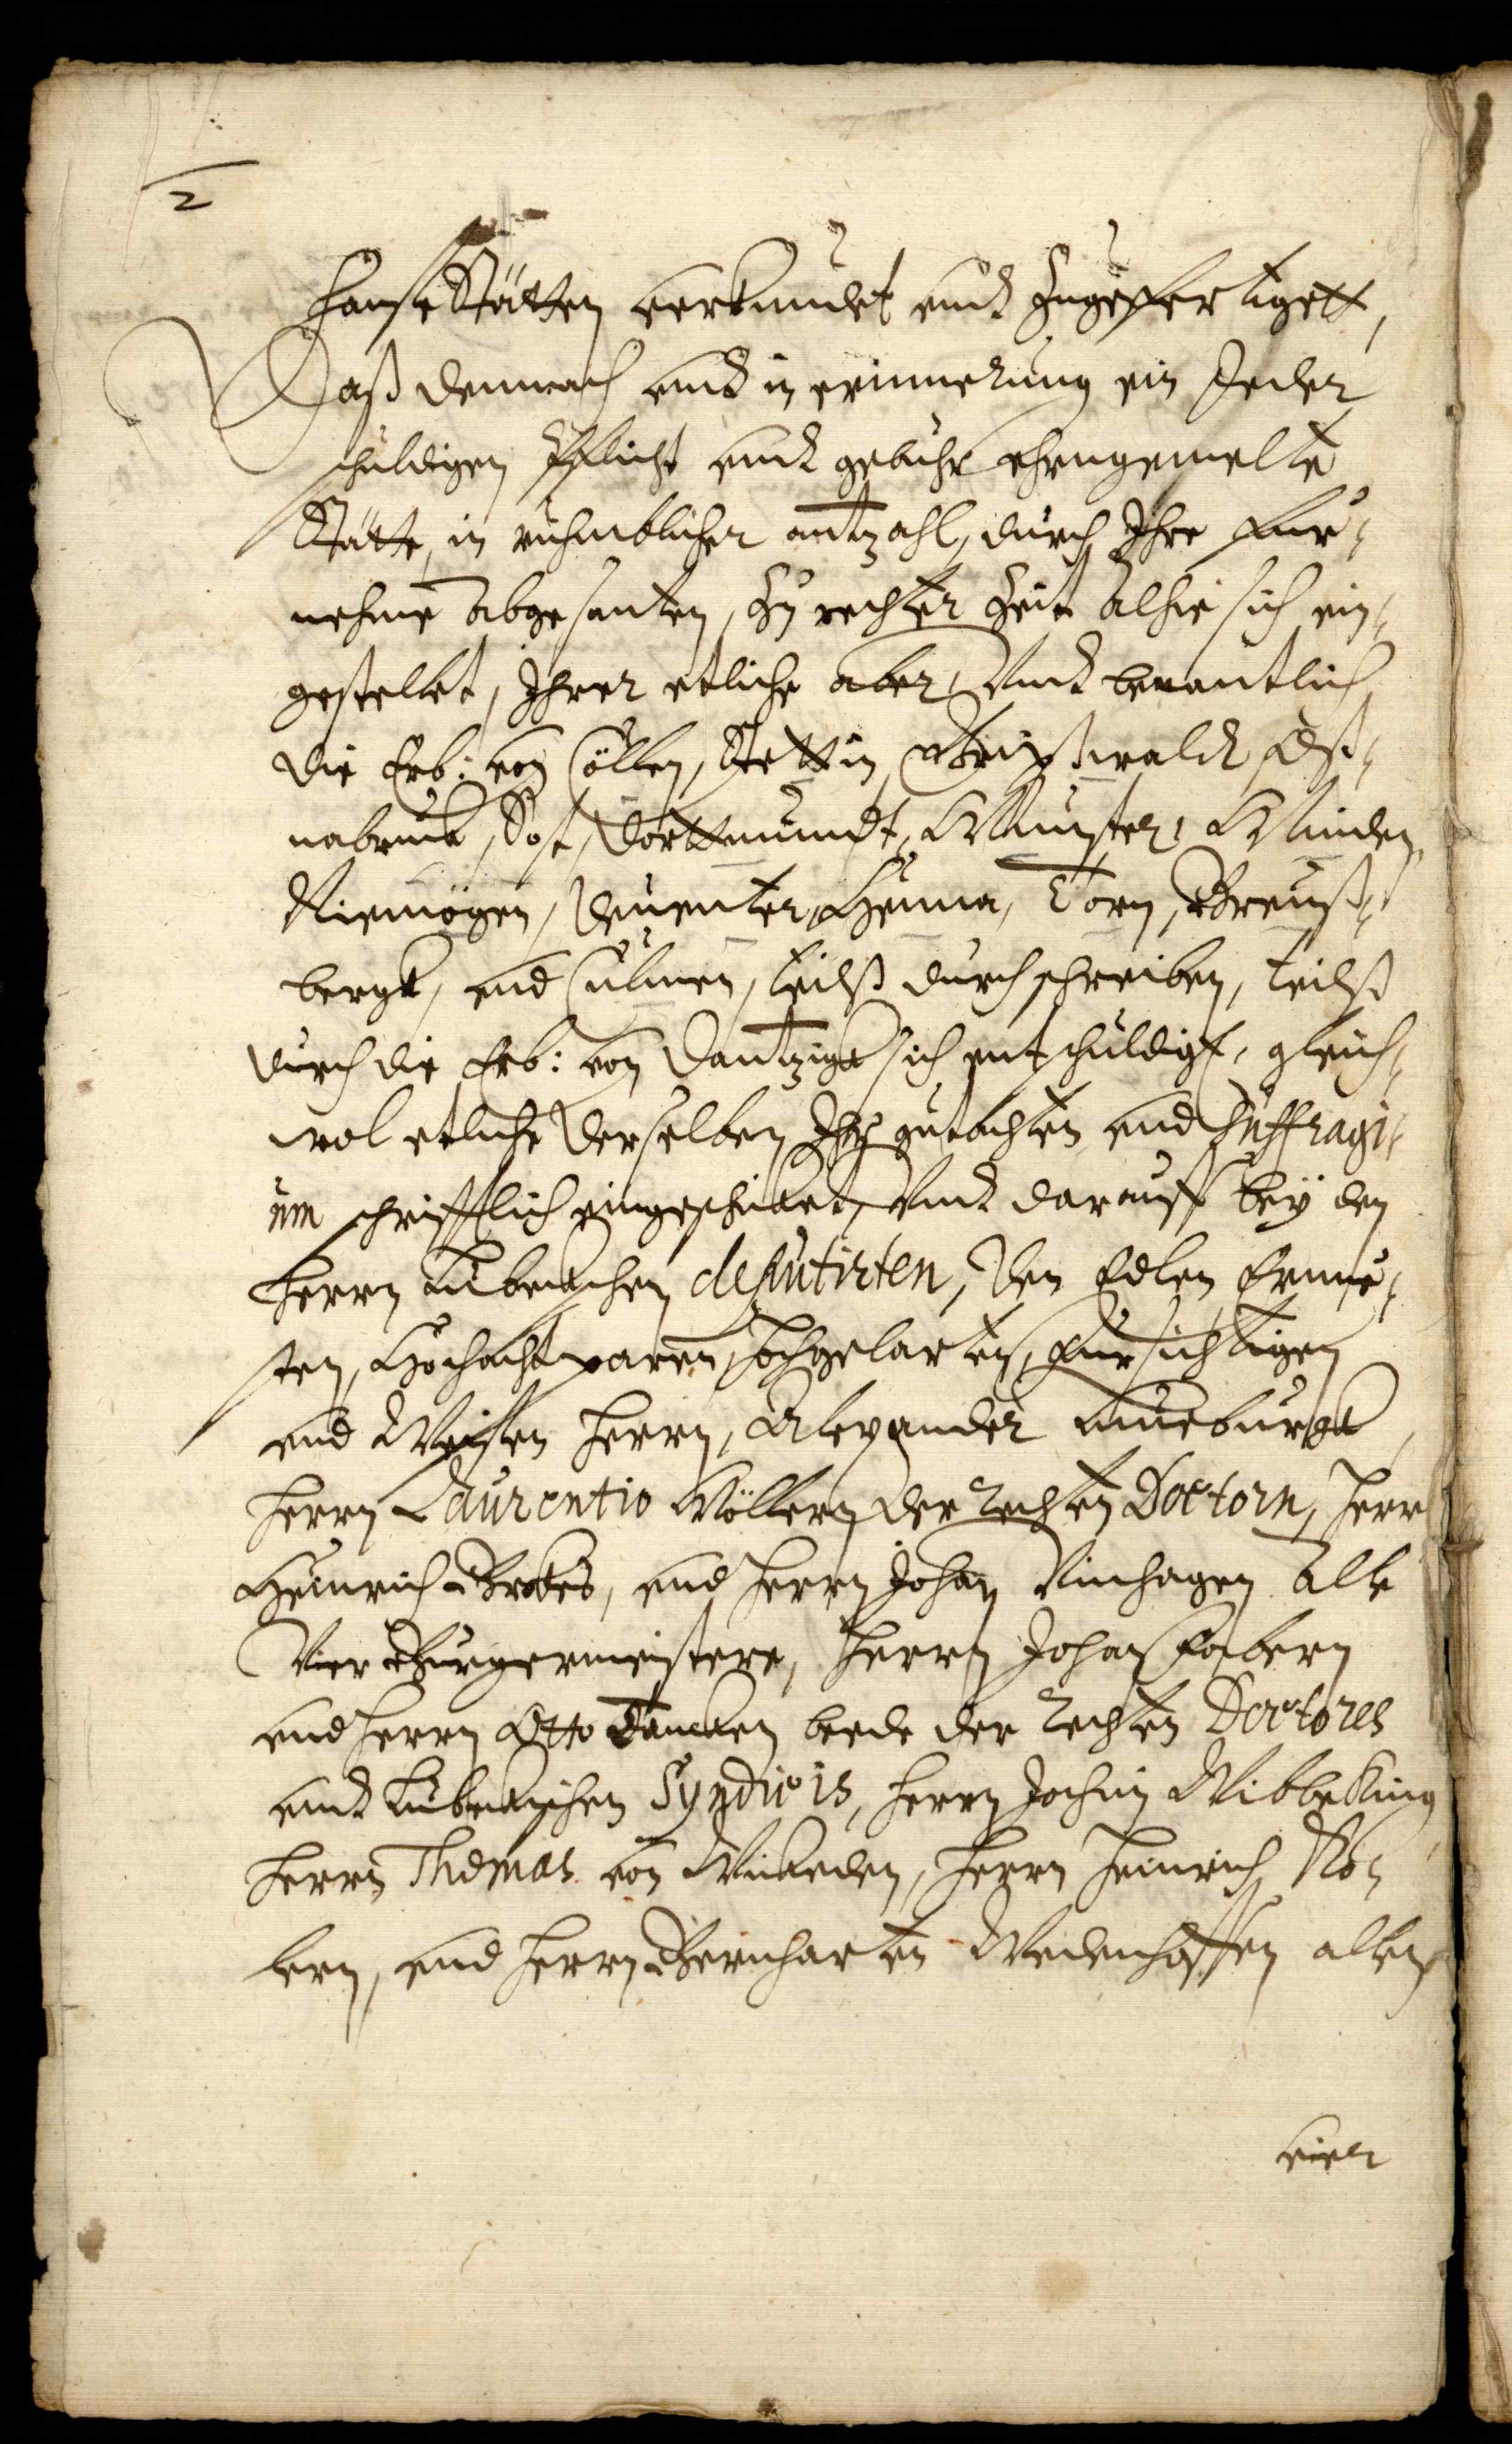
2
Hanse Stätten verkundet vndt Zugefertigett,
daß demnach vndt in erinnerung ein Ieder
schuldigen Pflicht vndt gebuhr ehrngemelte
Stätte, in ruhmblicher antzahl, durch Ihre fur¬
nehme abgesanten Zu rechter Zeit Alhir sich ein¬
gestellet, Ihrer etliche aber Vntt benantlich
die Erb: von Cöllen, Stettin, Gripswald, Oß¬
nabruck, Sost, dorttmundt, Munster, Minden,
Niemögen, deuenter, Heuma, Torn, Brunß¬
bergk vnd Culmen, teilß durch schreiben, teilß
durch die Erb: von dantzigk sich entschuldigt, gleich¬
wol etliche derselben Ihr gutachten vnd Suffragi¬
um schrifftlich eingeschicket, Vndt darauff beij den
Herrn Lubeckischen deputirten, den Edlen Ernue¬
sten, Hochachtparen, Hochgelarten, Fursichtigen
vnd Weisen Herrn, Alexander Luneburgk,
Herrn Laurentio Möllern der rechten Doctorn, Herr
Heinrich Brockes, vnd Herrn Iohan Vinhagen alle
Vier Burgermeistern, Herrn Iohan Fabern
vnd Herrn Otto Tancken beede der rechten Doctores
und Lubeckischen Syndicis, Hern Iochim Wibbeking,
Herrn Thomas von Wickeden, Herrn Hinrich No¬
bern vnd herrn Gernharten Wedenhoffen allen
vier
